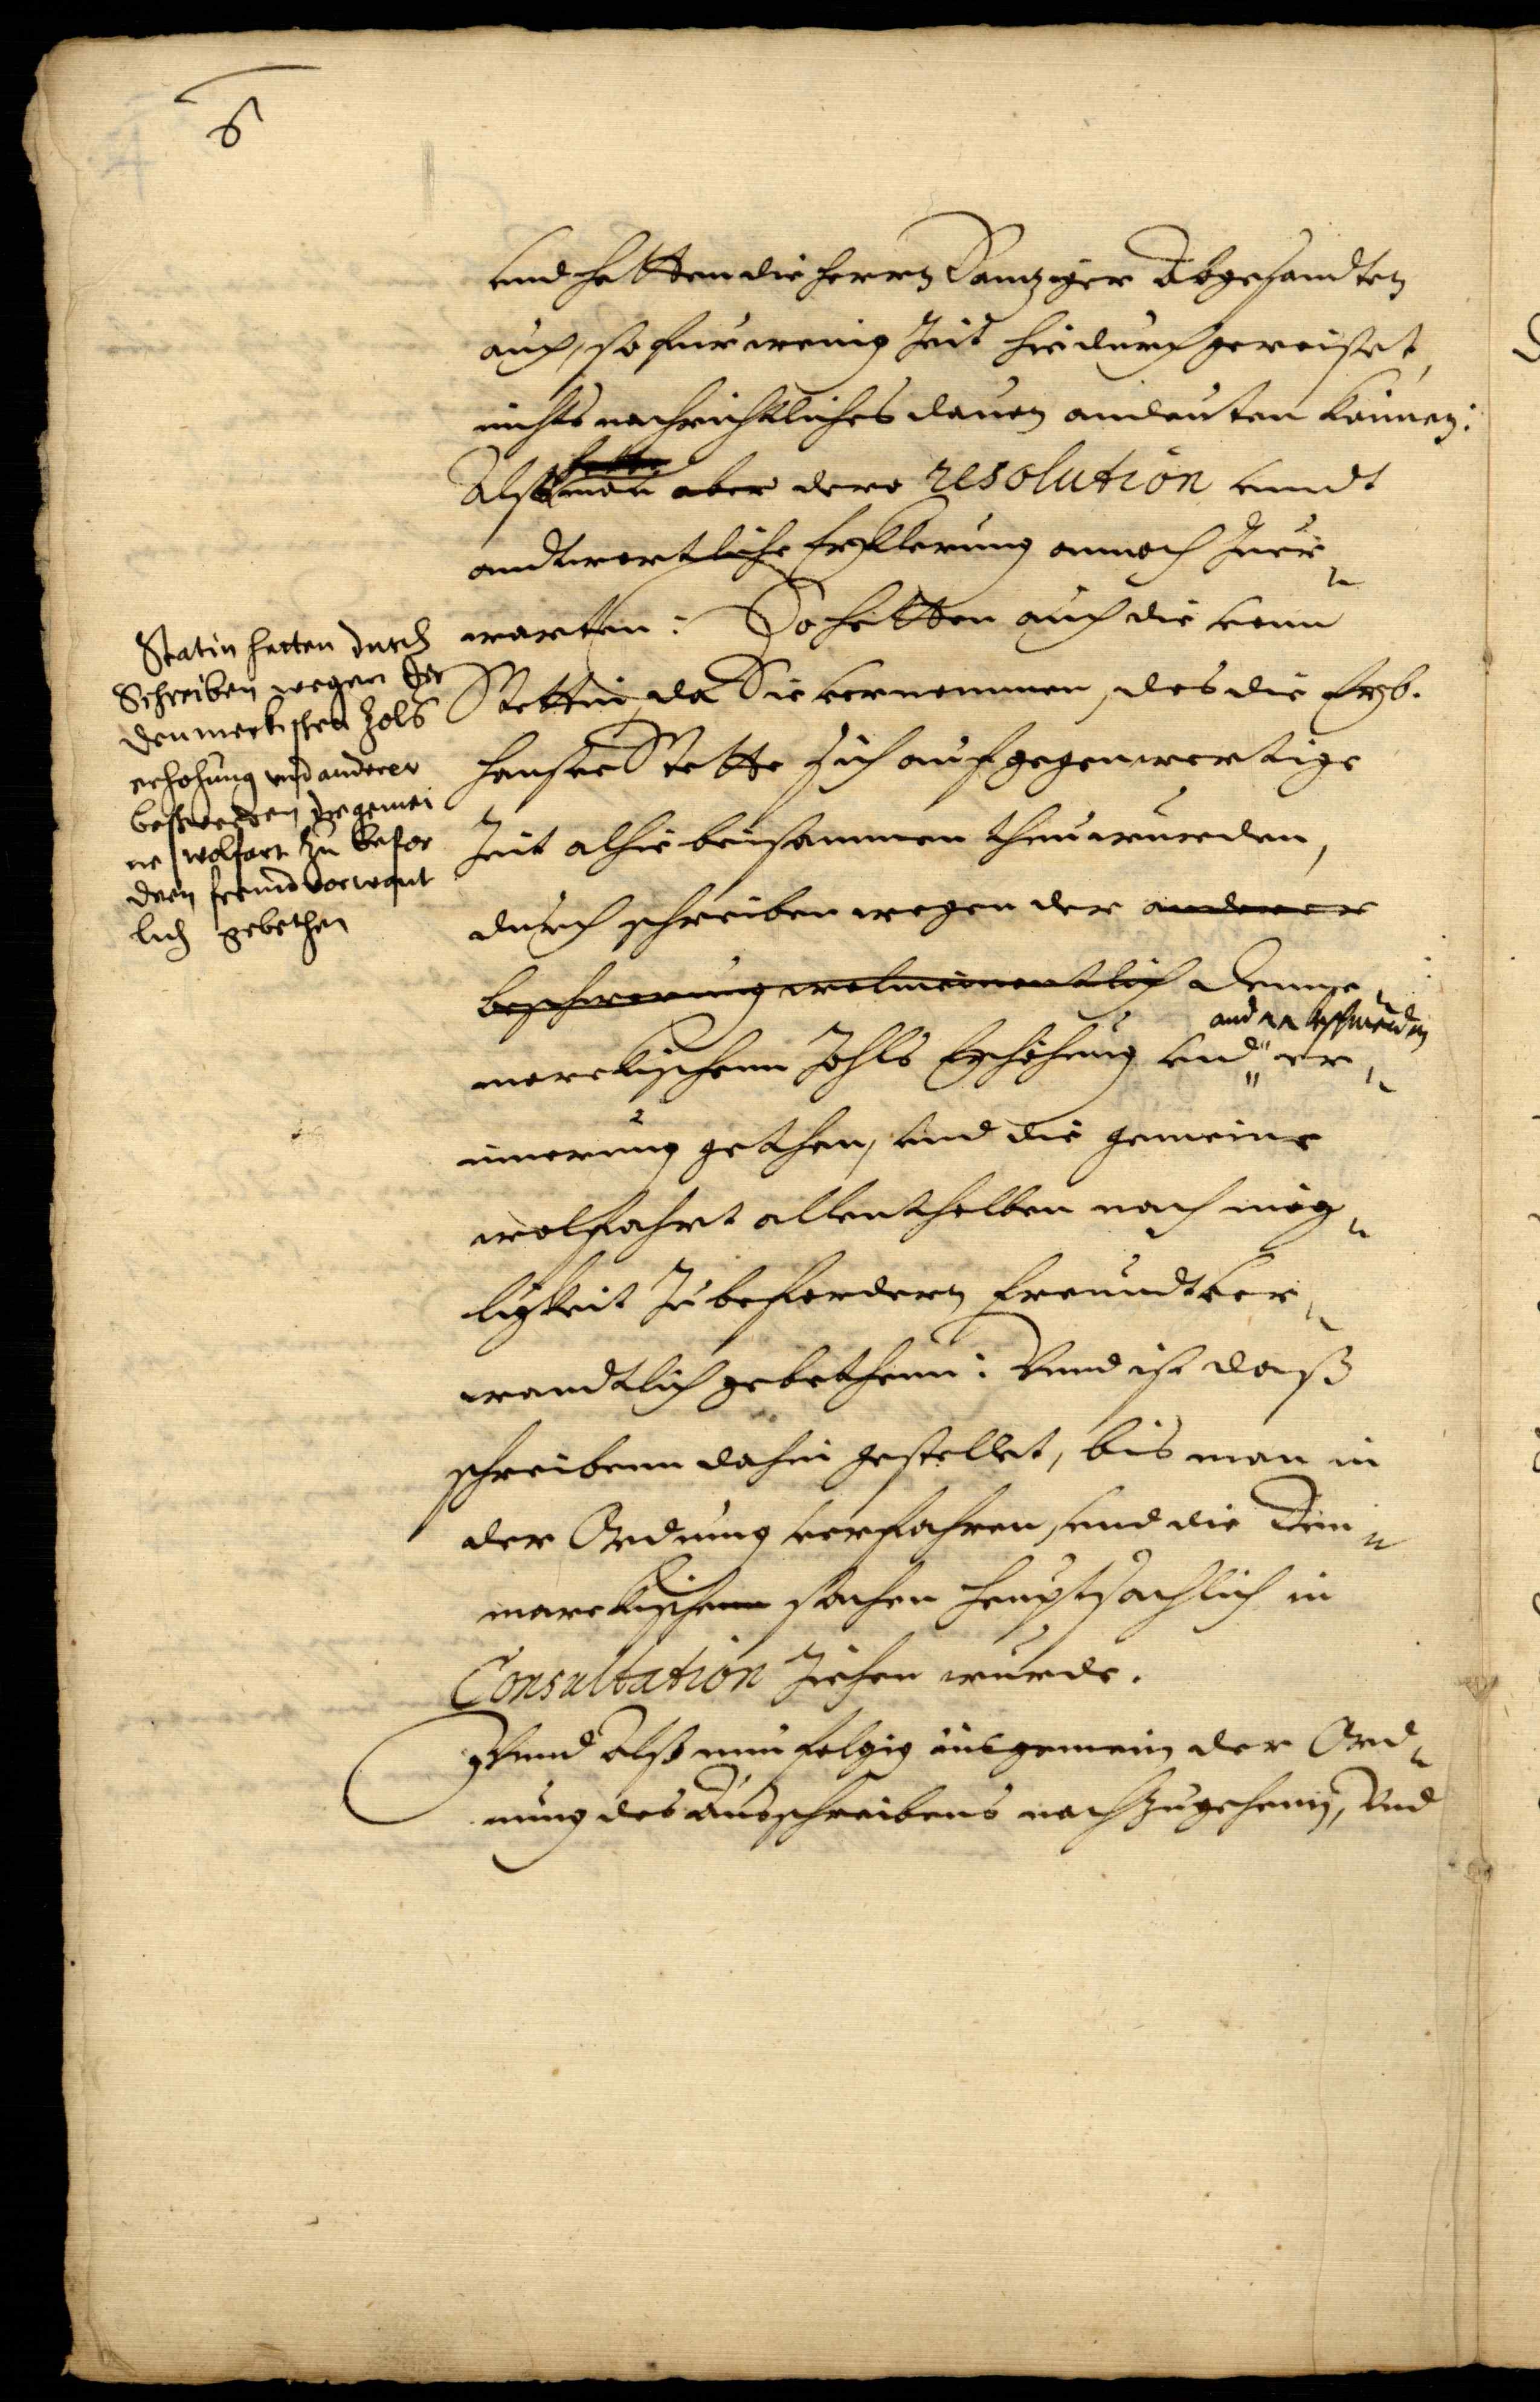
6
Statin hetten duch
Schreiben wegen der
denmarkcschen Zoll
erhohung vnd andrer
beshwerden der gemei
ne wolfart zu befor
dern freundvorwant
lich gebethen
vnd hetten die herrn Dantziger Abgesandten
auch, so fur wenig zeit hie durch gereiset,
nichts nachrichtliches davon andeuten können:
Alß man aber dero resolution vnndt
andtwortliche Erklerung annoch zuer¬
warten: So hetten auch die vonn
Stettin, da Sie vernommen, das die Erb.
hansee Stette sich auf gegenwertige
Zeit alhie beisammen thun wurden,
durch schreiben wegen der anderer
beschwerung wolmeinentlich Denne¬
anderer beschwerden
marckischenn Zohls Erhöhung vnd * er¬
innerung gethan, vnd die gemeine
wolfahrt allenthalben nach mög¬
ligkeit zu befordern freundtver¬
wandtlich gebethenn: Vnnd ist daß
schreibenn dahin gestellet, bis man in
der Ordnung verfahren, vnd die Den¬
marckischenn sachen hauptsachlich in
Consultation Ziehen wurde.
Vnd Alß nun folgig ins gemein der Ord¬
nung des Ausschreibens nachzugehenn, Vnd
